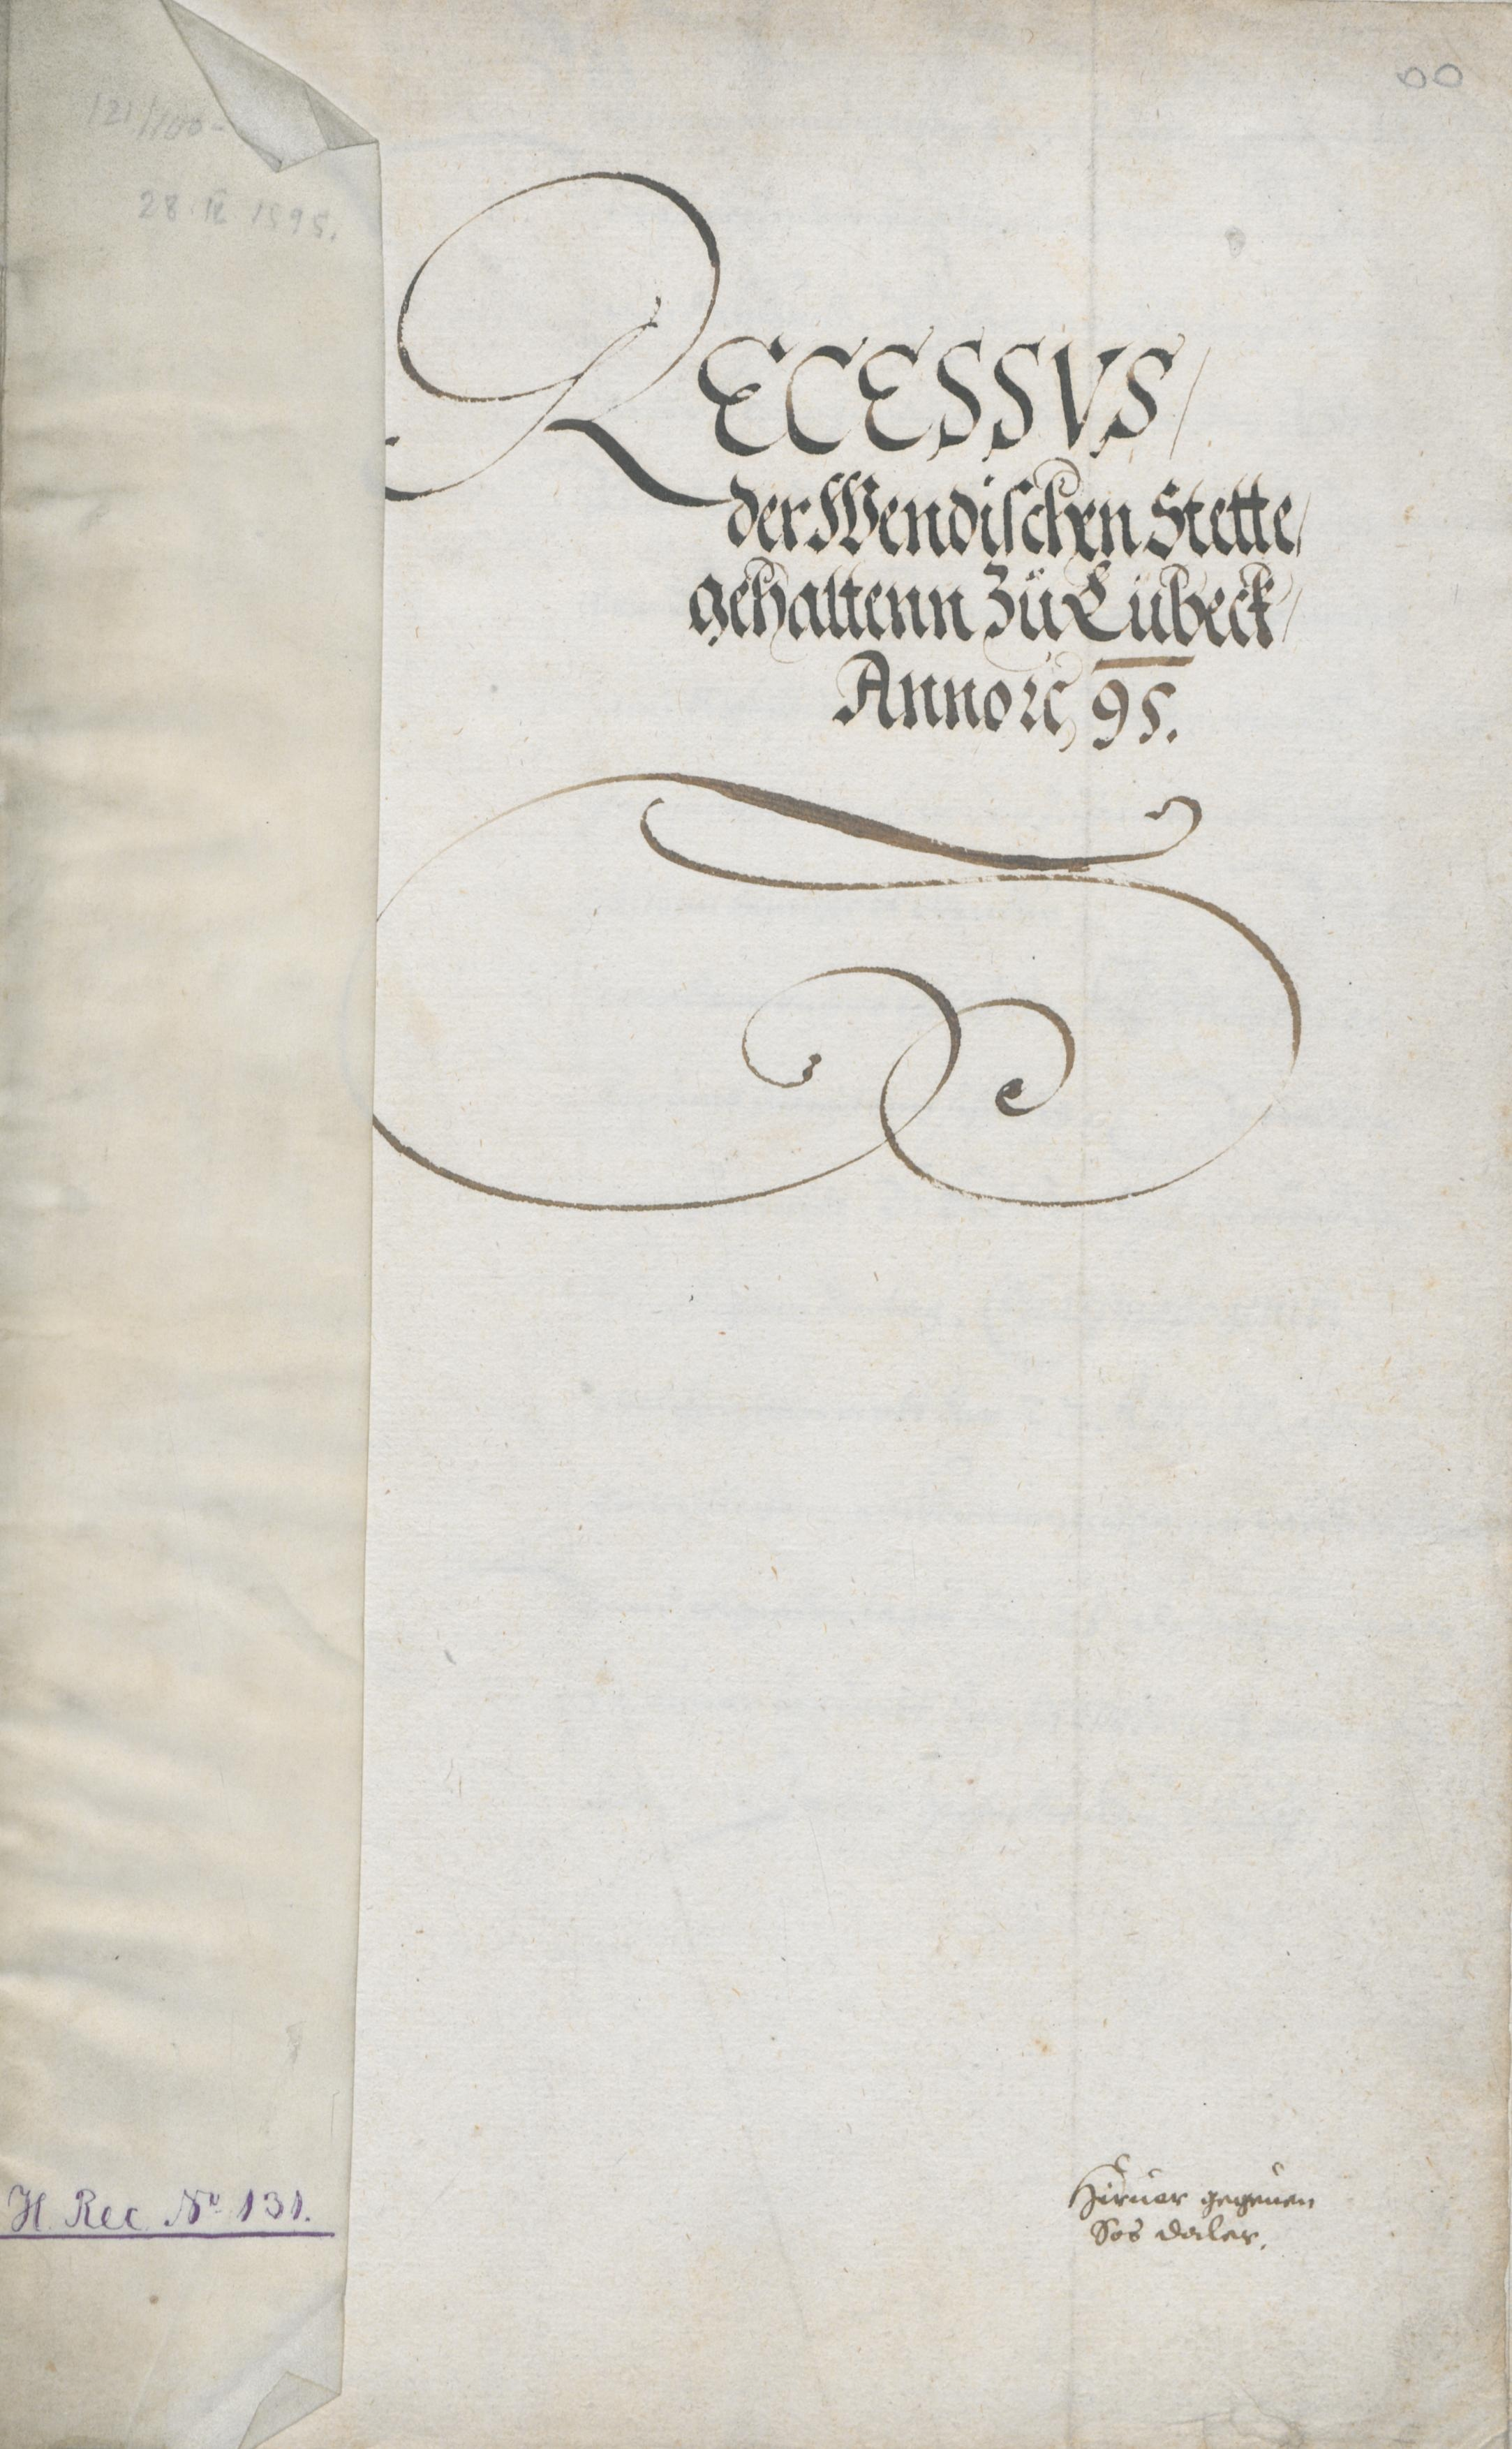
RECESSVS
der Wendischen Stette,
gehaltenn zu Lübeck
Anno etc. 95.
Hiruor gegeven
Sos daler.
